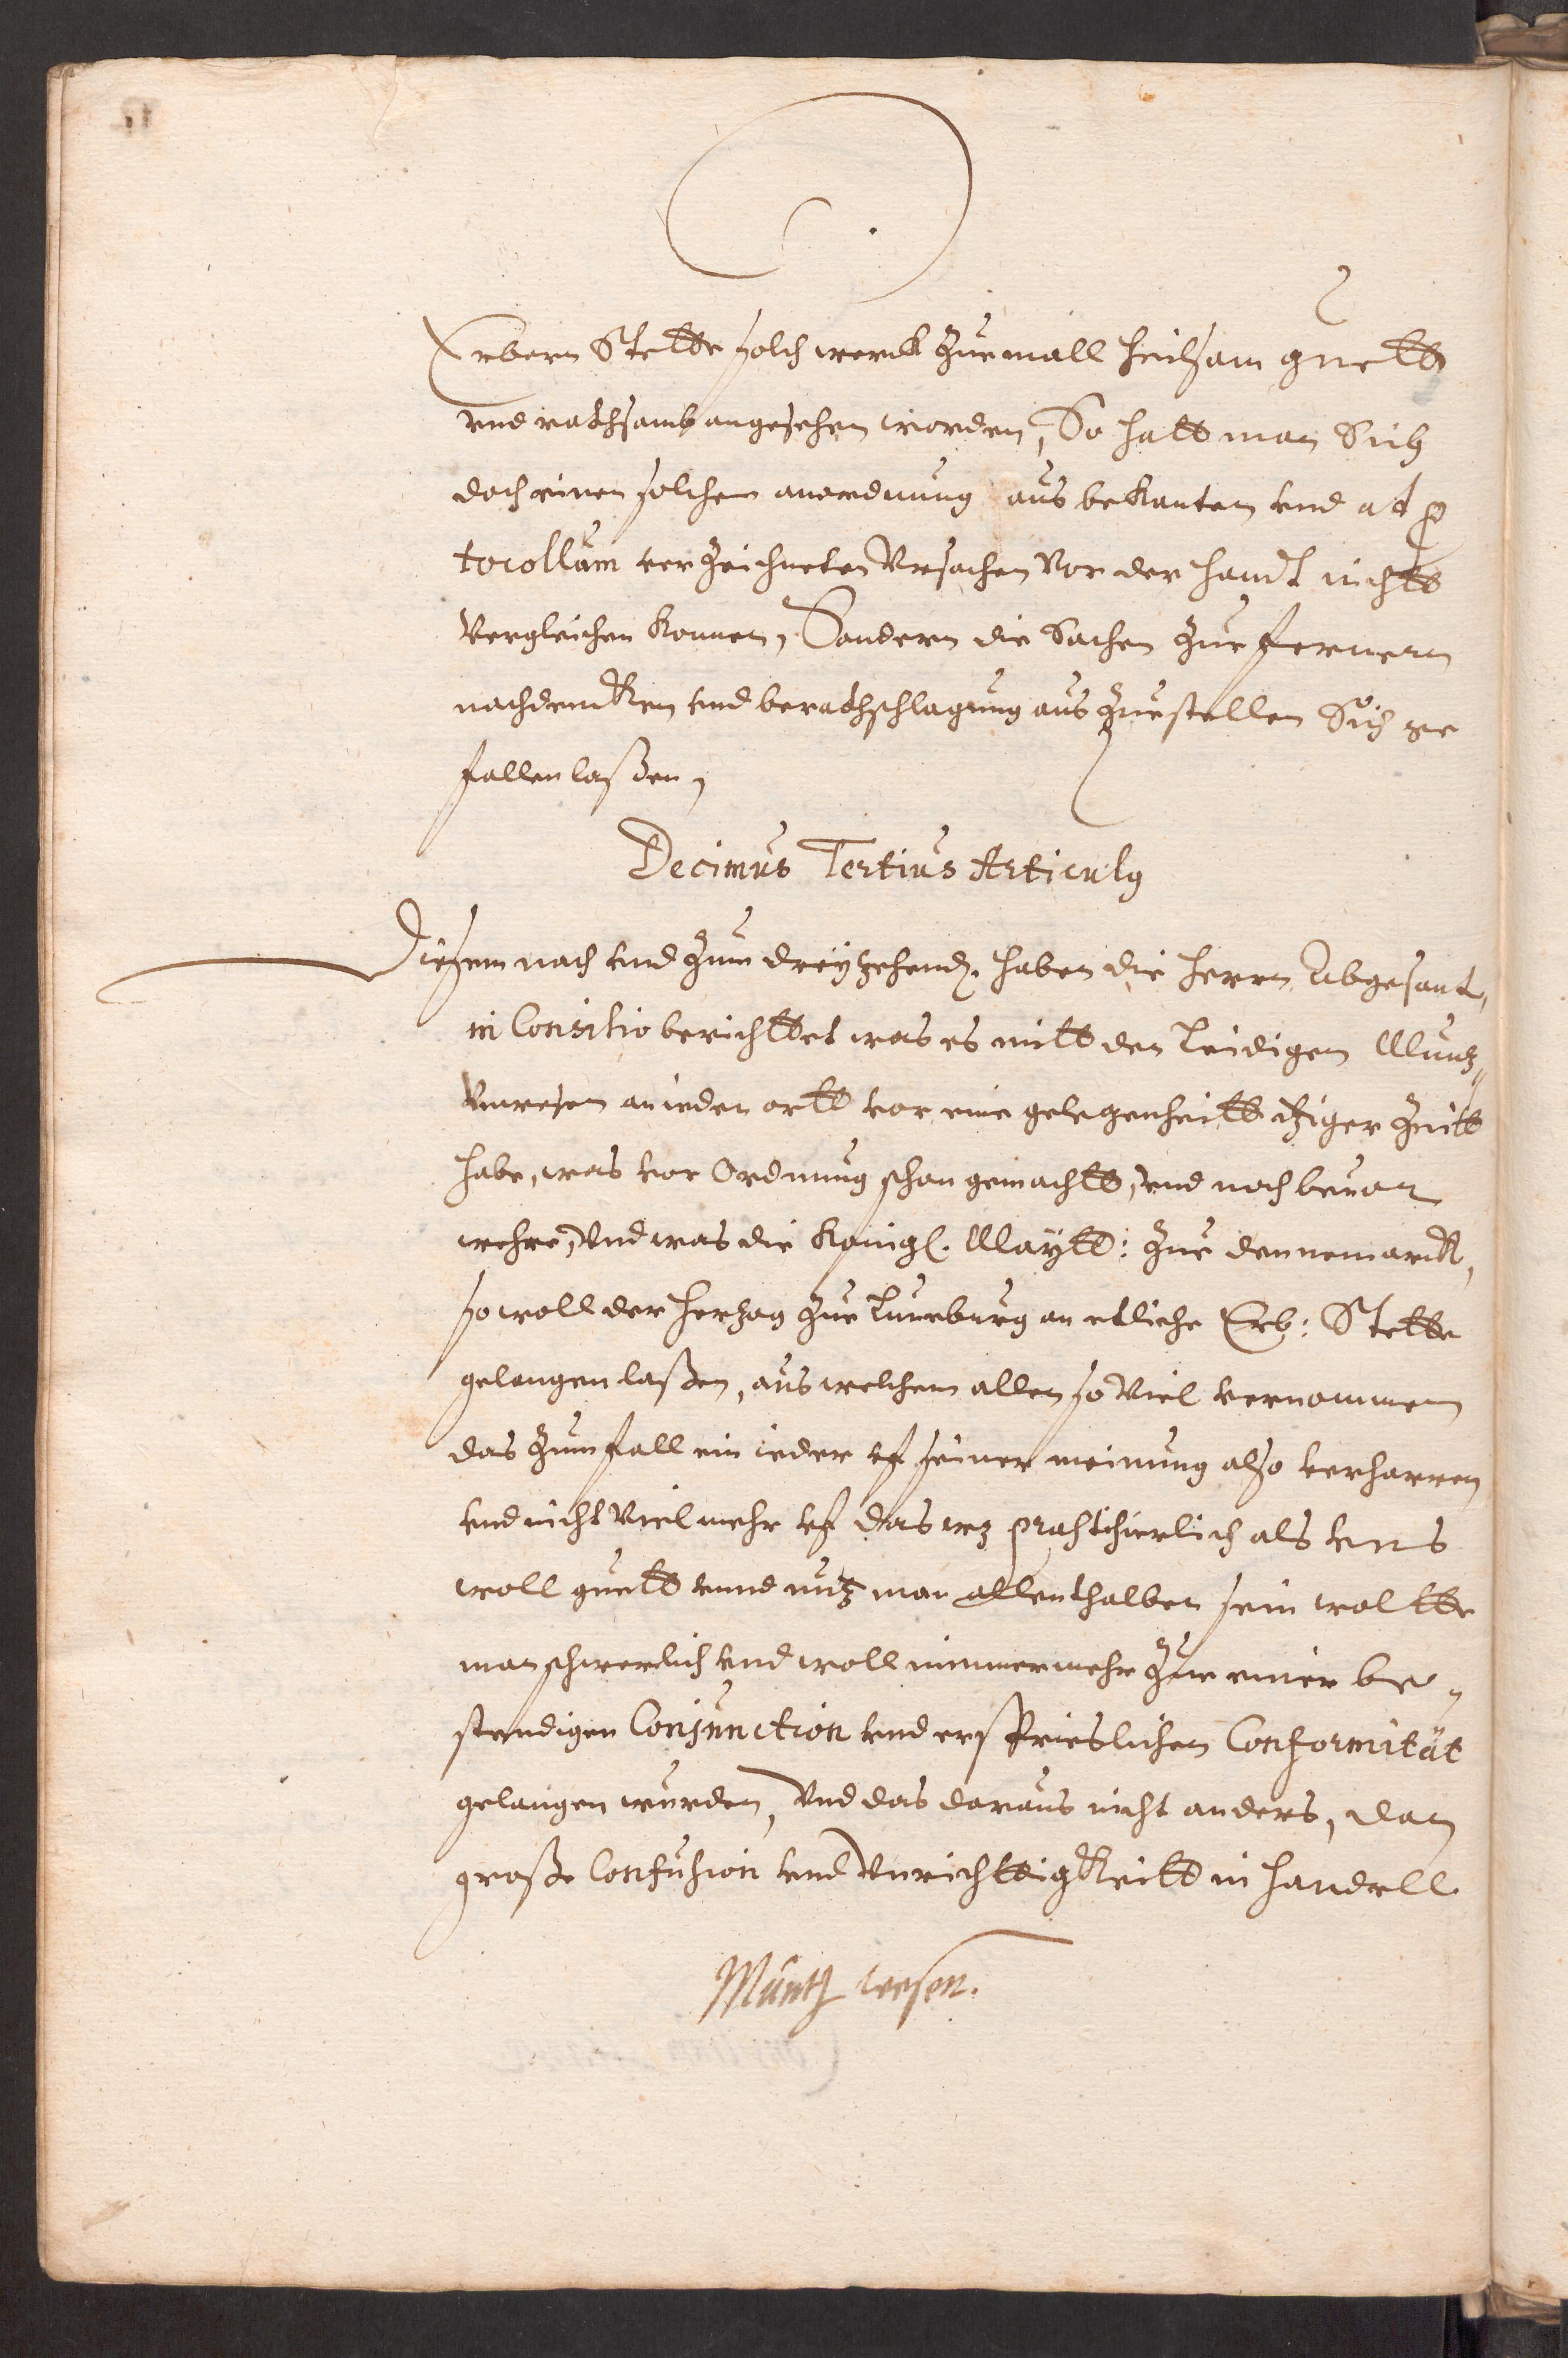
Erbarn Stette solch werck zue mall heilsam guett
vnd rathsamb angesehen worden, So hatt man Sich
doch einen solchen anordnung aus bekanten vnd ad pro
tocollum verzeichneten Vrsachen vor der handt nichtt
vergleichen konnen, Sondern die Sachen zue fernern
nachdencken vnd berathschlagung aus zuestellen Sich ge
fallen laßen,
Decimus Tertius Articulus
Diesem nach vnd zum dreijtzehenden, haben die herrn Abgesanten
in Consilio berichttet was es mitt den Leidigen Muntz¬
vnwesen an ieden ortt vor eine gelegenheitt itziger zeitt
habe, was vor Ordnung schon gemachtt, vnd noch beuor
wehre, vnd was die konigl. Maijtt: zue dennemarck,
so woll der hertzog zue Luneburg an etliche Erb: Stette
gelangen laßen, aus welchem allen so viel vernommen
das zum fall ein ieder vf seiner meinung also verharren
vnd nicht viel mehr vf das was prahtihierlich als vns
woll guett vnnd nutz man allenthalben sein wollte
man schwerlich vnd woll nimmer mehr zue einer be¬
stendigen Conjunction vnd ersprieslichen Conformität
gelangen wurden, Vnd das daraus nicht anders, dan
große Confusion vnd Vnrichttigkeitt in handell
Muntz wesen.
